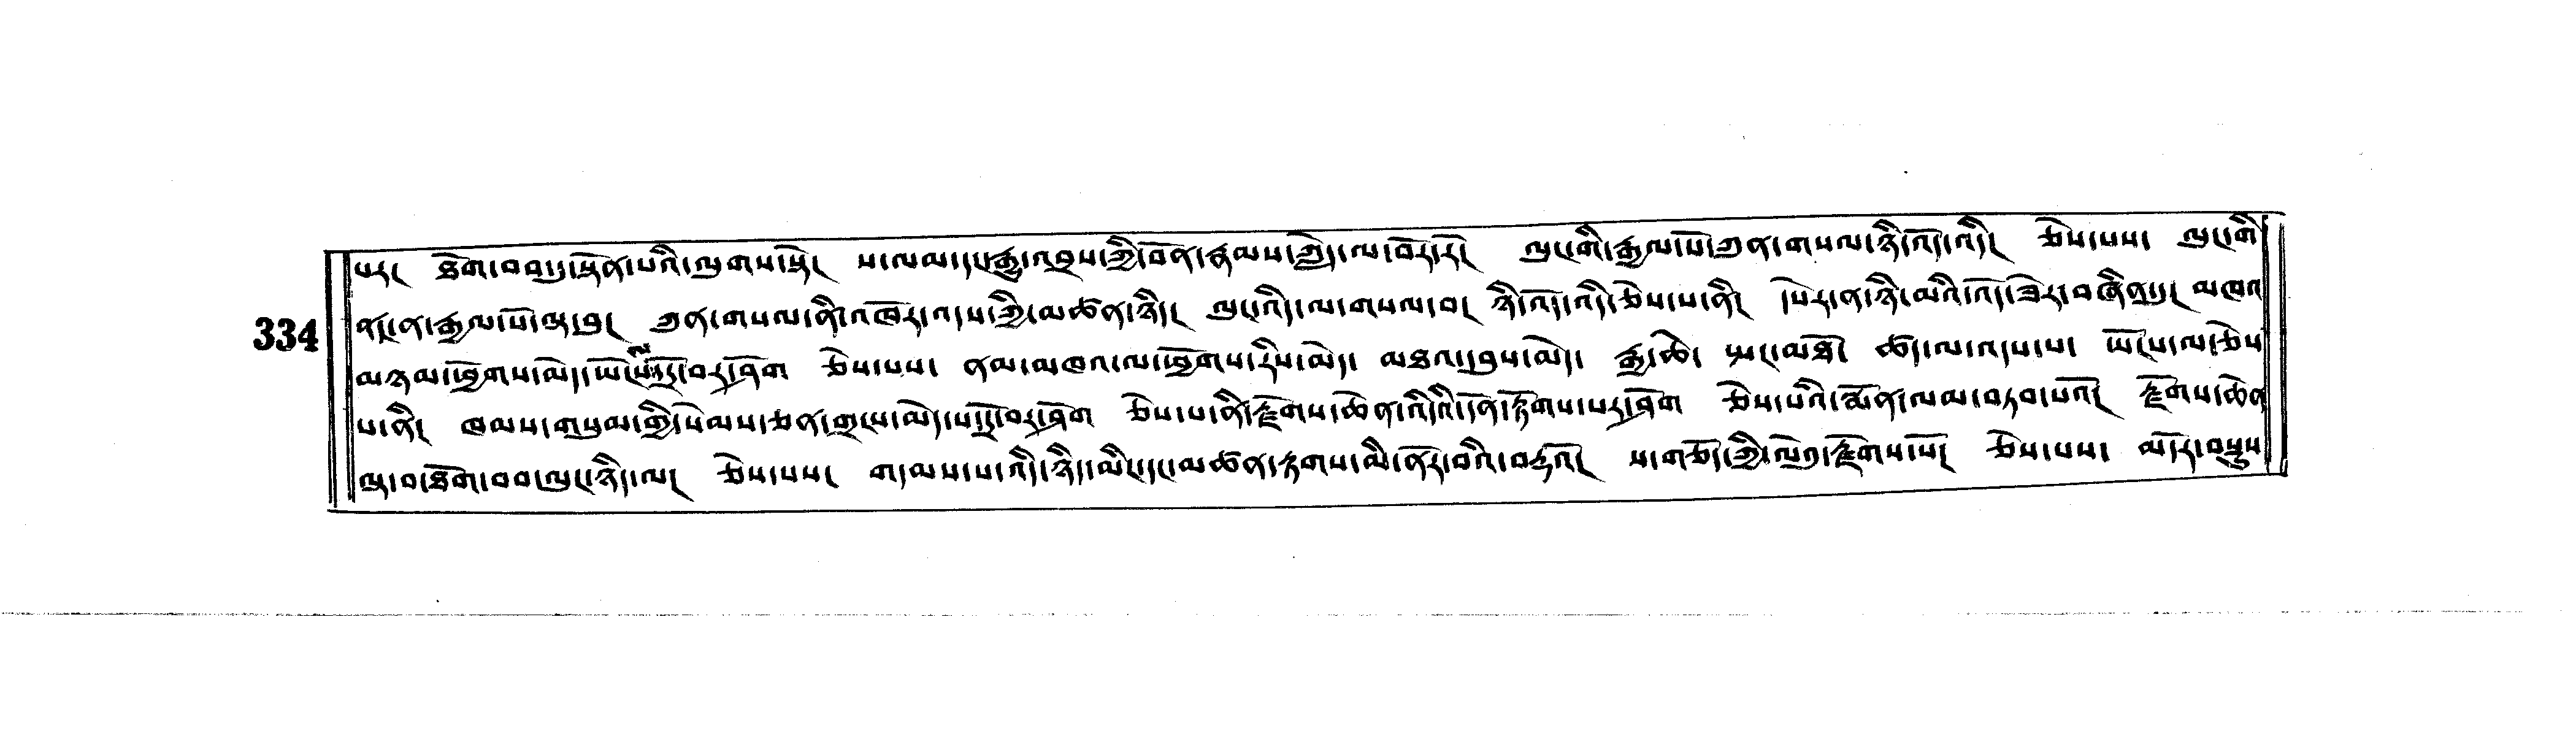པར། ཐོག་བབ་ཏུ་སྟོན་པའི་ལུགས་ཏེ། ས་ལམ་དང་རྒྱུ་འབྲས་ཀྱི་བོན་རྣམས་གླེད་ལ་བོར་རོ། ལུང་གི་རྒྱལ་པོ་ཀུན་གསལ་ཉི་འོད་འདི། ཅེས་པས། ལུང་གི་
ནང་ན་རྒྱལ་པོ་ལྟ་བུ། ཀུན་གསལ་ནི་འཁོར་འདས་ཀྱི་མཚན་ཉིད། ལུང་འདི་ལ་གསལ་བ། ཉི་འོད་འདི་ཅེས་པ་ནི། དཔེར་ན་ཉི་མའི་འོད་ཟེར་བཞིན་དུ་ མཁའ་
མཉམ་ཕྱོགས་མེད་ཡོངས་ལ་དྲོ་བར་ཤོག ཅེས་པས། ནམ་མཁའ་ལ་ཕྱོགས་རིས་མེད། མཐའ་དབུས་མེད། རྒྱ་ཆེ། དཔང་མཐོ། ཚད་ལས་འདས་པ། ཡོངས་ལ་ཅེས་
པ་ནི། ཁམས་གསུམ་གྱི་སེམས་ཅན་གྲངས་མེད་པ་དྲོ་བར་ཤོག ཅེས་པ་ནི་རྫོགས་ཆེན་འདིའི་དོན་རྟོགས་པར་ཤོག ཅེས་པའི་སྨོན་ལམ་བཏབ་བོ། རྫོགས་ཆེན་
ལྟ་བ་ཐོག་དབབ་ལུང་འདི་ཉིད་ལ། ཅེས་པས། གདམས་པ་འདི་ཉིད་མིང་དང་མཚན་བཏགས་མི་ནོར་བའི་བརྡའོ། ས་གཅོད་ཀྱི་ལེའུ་རྫོགས་སོ། ཅེས་པས། མདོར་བསྡུས་